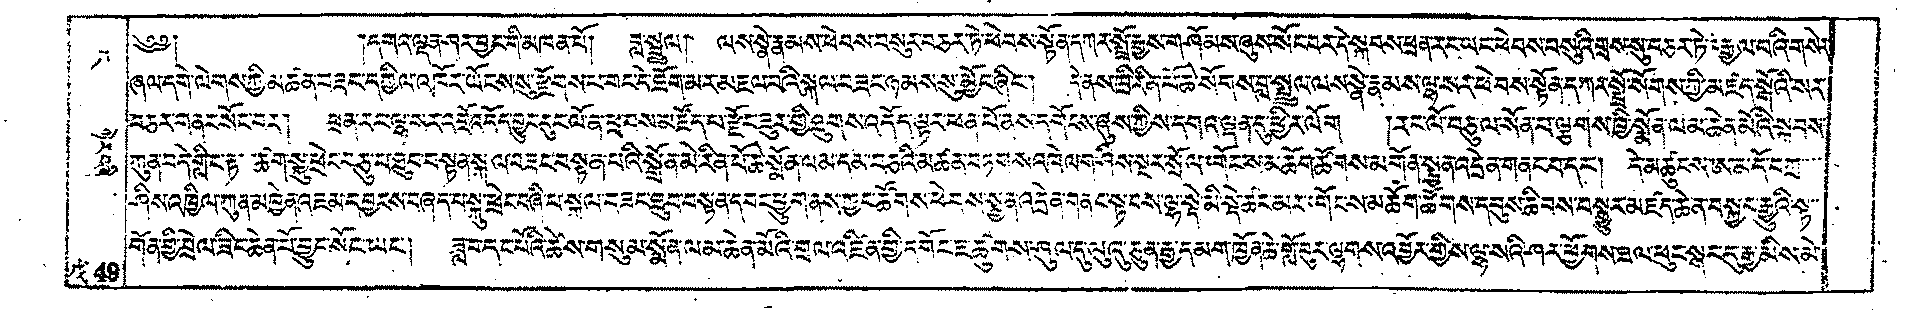༄༅། །དགའ་ལྡན་ཤར་བྱང་གི་མཁན་པོ། བླ་སྤྲུལ། ལས་སྣེ་རྣམས་ཕེབས་བསུར་བཅར་ཏེ་ཕེབས་སྟོན་དཀར་སྤྲོ་རྒྱས་གཤོམས་ཞུས་སོང་བར་དེ་སྐབས་ཕྲན་རང་ཡང་ཕེབས་བསུའི་གྲས་སུ་བཅར་ཏེ ༧རྒྱལ་བའི་གསེར་
ཞལ་དགེ་ལེགས་ཀྱི་མཚན་བཟང་དཀྱིལ་འཁོར་ཡོངས་སུ་རྫོགས་པ་གང་དེ་ཐོག་མར་མཇལ་བའི་སྐལ་བཟང་ཉམས་སུ་མྱོང་ཞིང་། དེ་ནས་ཁྲི་རིན་པོ་ཆེ་སོགས་བླ་སྤྲུལ་ལས་སྣེ་རྣམས་ལྷ་སར་ཕེབས་སྟོན་དཀར་སྤྲོ་སོགས་ཀྱི་མཛད་སྒོའི་སར་
བཅར་གནང་སོང་བར། ཕྲན་རང་ལྷ་སར་འགྲོ་འདོད་བྱུང་རུང་ལོ་ན་ཕྲ་བས་མཛོད་པ་རྫོང་ཟུར་གྱི་ཐུགས་འདོད་ལྟར་ཕན་པོ་ནས་དགོངས་ཞུས་ཀྱིས་དགའ་ལྡན་དུ་ཕྱིར་ལོག །རང་ལོ་བཅུ་ལ་སོན་པ་ལྕགས་ཁྱི་སྨོན་ལམ་ཆེན་མོའི་སྐབས་
ཀུན་བདེ་གླིང་རྟ་ཚག་སྐུ་ཕྲེང་བཅུ་པ་ཐུབ་བསྟན་སྐལ་བཟང་བསྟན་པའི་སྒྲོན་མེ་རིན་པོ་ཆེ་སྨོན་ལམ་དམ་བཅའི་མཚན་བཏགས་འཁེལ་གཤིས་སྔར་སྲོལ ༧གོང་ས་མཆོག་ཚོགས་མགོན་སྤྱན་འདྲེན་གནང་བ་དང་། དེ་མཚུངས་ཨ་མདོ་བཀྲ་
ཤིས་འཁྱིལ་ཀུན་མཁྱེན་འཇམ་དབྱངས་བཞད་པ་སྐུ་ཕྲེང་བཞི་པ་སྐལ་བཟང་ཐུབ་བསྟན་དབང་ཕྱུག་ནས་ཀྱང་ཚོགས་ཕེབས་སྤྱན་འདྲེན་གནང་སྟབས་ལྷ་སྡེ་མི་སྡེ་ཚང་མར ༧གོང་ས་མཆོག་ཚོགས་དབུས་ཆིབས་བསྒྱུར་མཛད་ཆེན་བསྐྱང་རྒྱུའི་སྟ་
གོན་གྱི་བྲེལ་ཟིང་ཆེན་པོ་བྱུང་སོང་ཡང་། ཟླ་བ་དང་པོའི་ཚེས་གསུམ་སྨོན་ལམ་ཆེན་མོའི་གྲལ་འཛིན་གྱི་དགོང་ཇ་ཚུགས་ཤུལ་དུ་ལུའུ་ཅུན་རྒྱ་དམག་ཁྱོན་ཆེ་གློ་བུར་ལྷགས་འབྱོར་གྱིས་ལྷ་སའི་ཤར་ཕྱོགས་ཐལ་ཕུང་སྒང་དུ་རྒྱ་མིས་མེ་